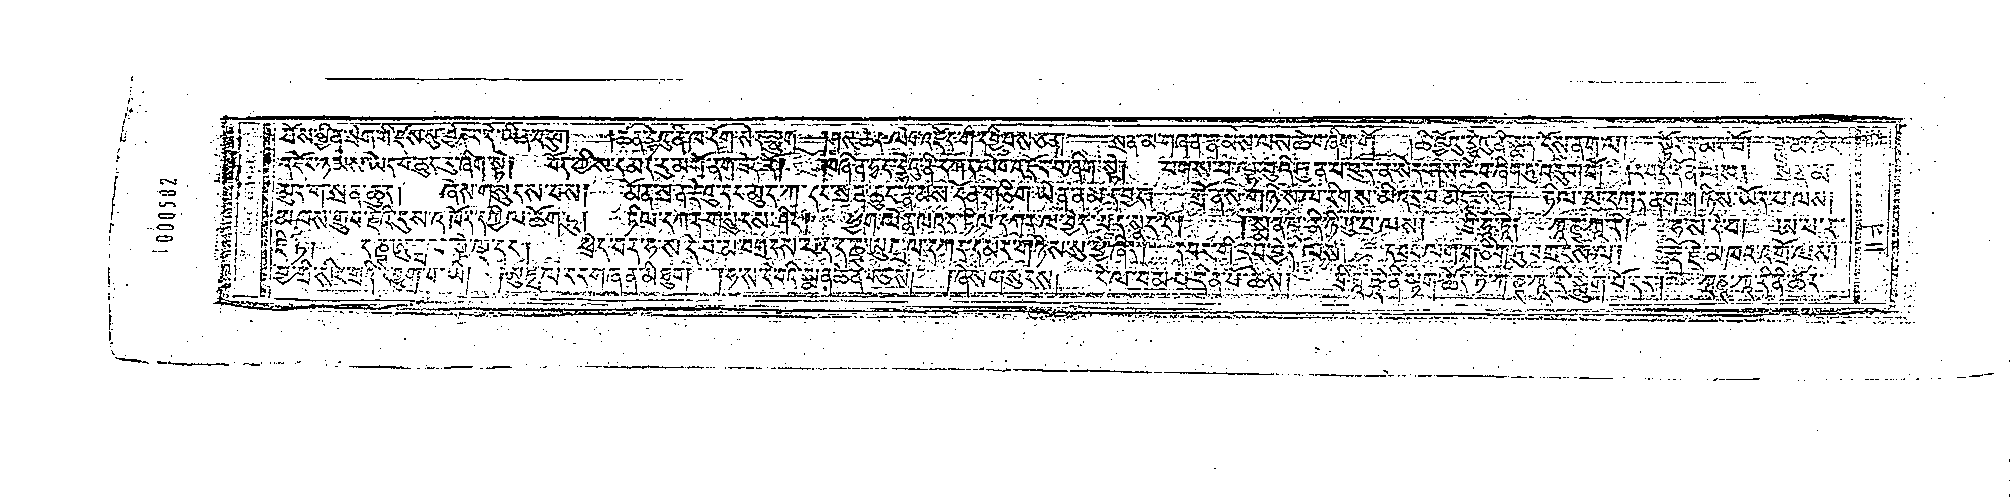བོས་སྦྱིན་སྲེག་གི་རྫས་སུ་བྱས་བ་དེ་ཡིན་འདུག །ཚན་དྷེའུ་ནི་ཁ་དོག་སེར་སྨུག །ཤས་ཆེར་ལེབ་འཇོད་གི་དབྱིབས་ཅན། སྲན་མ་གཞན་རྣམས་ལས་ཆེ་བ་ཞིག་གོ །ཆི་ཥྱོའུ་དྷེའུ་ནི་སྨད་ངོས་ནག་ལ། སྟོང་དམར་པོ། ཟླུམ་ཞིང་
འཇོང་ཉམས་ཡེད་པ་ཆུང་དུ་ཞིག་སྟེ། བོད་ཀྱིས་དམར་རུ་མགོ་ནག་ཟེར་རོ། །བཞིན་ཧྭད་དྷེའུ་ནི་དཀར་ལེབ་འཇོད་བ་ཞིག་སྟེ། པགས་པ་ལྟ་བུའི་ཤུན་པ་ཕུད་ན་སེར་ཤས་ཆེ་བ་ཞིག་ཏུ་འདུག་གོ །དབང་དོན་ལས། སྲན་མ་
མུང་ག་སྲན་ཆུད། ཞེས་གསུངས་བས། མོན་སྲན་རྡེའུ་དང་མུད་ཀ་དང་སྲན་ཆུད་རྣམས་དོན་གཅིག་ཡིན་ནམ་དབྱད། གྲོ་ནས་གཉིས་ལ་རིགས་མི་འདྲ་བ་མེད་ཅིང་། ཏིལ་ལ་དཀར་ནག་གཉིས་ཡོད་པ་ལས།
མཁས་གྲུབ་རྗེའི་དུས་འཁོར་དཀྱིལ་ཆོག་ཏུ། ཏིལ་དཀར་གསུངས་ཤིང་། ཕྱག་ལེན་ལའང་ཏིལ་དཀར་ལ་བྱེད་པར་སྣང་ངོ། །སྨན་ལྔ་ནི་ཉི་ཤུ་པ་ལས། བྲི་ཧཱ་ཏཱི༑ ཀཱཎྚ་ཀཱ་རི། ཧ་ས་དེ་བ། ཨ་པ་ར་
ཛི་ཏ། དཎྚ་ཨུཏྤལ་སྟེ་ལྔ་དང་། ཕྲེང་བར་ཧ་ས་དེ་བ་མ་བགྲངས་པར་དཎྚ་ཨུཏྤལ་དཀར་དམར་གཉིས་སུ་ཕྱེ་ཞིང་། དབང་གི་རབ་བྱེད་ལས། དབང་ལག་གཅིག་ཏུ་བགྲངས་ལ། རྡོ་རྗེ་མཁའ་འགྲོ་ལས།
བྱ་གྲི་སིང་གྲའི་དབྱུག་པ་ཡི། །ཨུཏྤལ་དང་གཞན་མི་ཐུབ། །ཧ་ས་དེ་བའི་སྨན་ཆེན་བཅས། །ཞེས་གསུངས། དེ་ལ་བམ་པ་རིན་པོ་ཆེས། བྲི་ཏཱ་ཏཱི་ནི་སྟག་ཚེར་ཏེ་ཀཎྚ་ཀཱ་རི་སྨུག་པོ་དང་། ཀཱཎྚ་ཀཱ་རི་ནི་ཚེར་